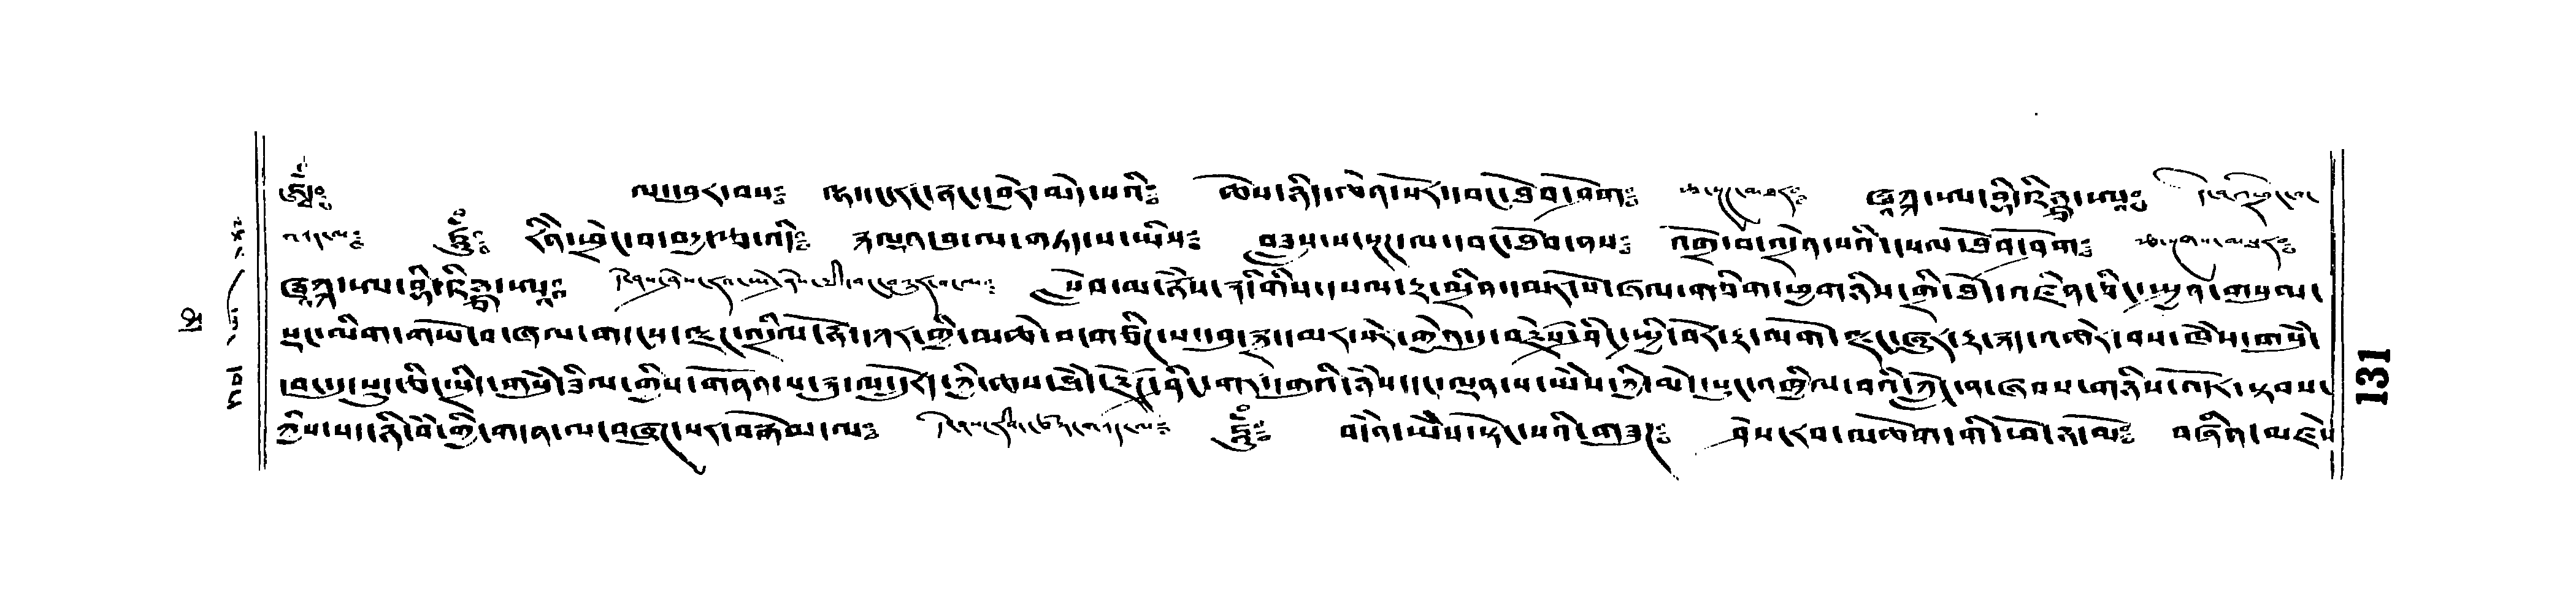ལ་དབང་བསྐུར་བས༔ ལྷ་དང་རང་སྣང་དབྱེར་མེད་པའི༔ ཆོས་ཉིད་ཆེན་པོར་དབང་ཐོབ་ཤོག༔ རྩ་སྔགས་མཐར༔ ཝཱཀྐ་ཨ་བྷི་རིཉྩ་ཨཱཿ དེ་ནས་ཕྲེང་བ་
གཏད་ལ༔ ཧཱུྃ༔ རིན་ཆེན་ཕྲེང་བ་བརྒྱ་རྩ་འདི༔ སྐལ་ལྡན་བུ་ལ་གཏད་པ་ཡིས༔ བཟླས་པ་སྔགས་ལ་དབང་ཐོབ་ནས༔ འགྲོ་བ་འདྲེན་པའི་དཔལ་ཐོབ་ཤོག༔ རྩ་སྔགས་མཐར༔ 
ཝཱཀྐ་ཨ་བྷི་རིཉྩ་ཨཱཿ དེ་ནས་ཤེས་རབ་ཡེ་ཤེས་ཀྱི་དབང་བསྐུར་བ་ལ༔ སློབ་མ་རྣམས་ཀད་ཅིག་གིས་དཔལ་རྟ་མགྲིན་དམར་པོ་ཞལ་གཅིག་ཕྱག་གཉིས་གྲི་ཐོད་འཛིན་ཅིང་སྤྱན་གསུམ་
སྡང་མིག་གཡོ་བ་ཞལ་གདངས་ལྗགས་འདྲིལ་རྣོ་དཀར་གྱི་མཆེ་བ་གཙིགས་པ་དབུ་སྐྲ་དམར་སེར་གྱེན་དུ་བརྫེས་ཤིང་སྤྱི་བོར་རྟ་མགོ་ལྗང་ཞུར་རྟ་སྐད་འཚེར་བས་ཁམས་གསུམ་
དབང་དུ་སྡུད་ཅིང་སྲིད་གསུམ་ཟིལ་གྱིས་གནོན་པ་སྐུ་ལ་དུར་ཁྲོད་ཀྱི་ཆས་ཐམས་ཅད་རྫོགས་ཤིང་གར་དགུའི་ཉམས་དང་ལྡན་པ་ཡེ་ཤེས་ཀྱི་མེ་དཔུང་འཁྱིལ་བའི་ཀློང་ན་ཞབས་གཉིས་འདོར་སྟབས་
ཀྱིས་པད་ཉི་བམ་གྱི་གདན་ལ་བཞུགས་པར་བསྒོམ་ལ༔དེ་ནས་རིག་ཙཀ་གཏད་ལ༔ ཧཱུྃ༔ བདེ་ཆེན་ཡེ་ཤེས་སྟོང་པའི་གཟུགས༔ ཤེས་རབ་མཆོག་གི་ཕོ་ཉ་མོ༔ བཞིན་མཛེས་